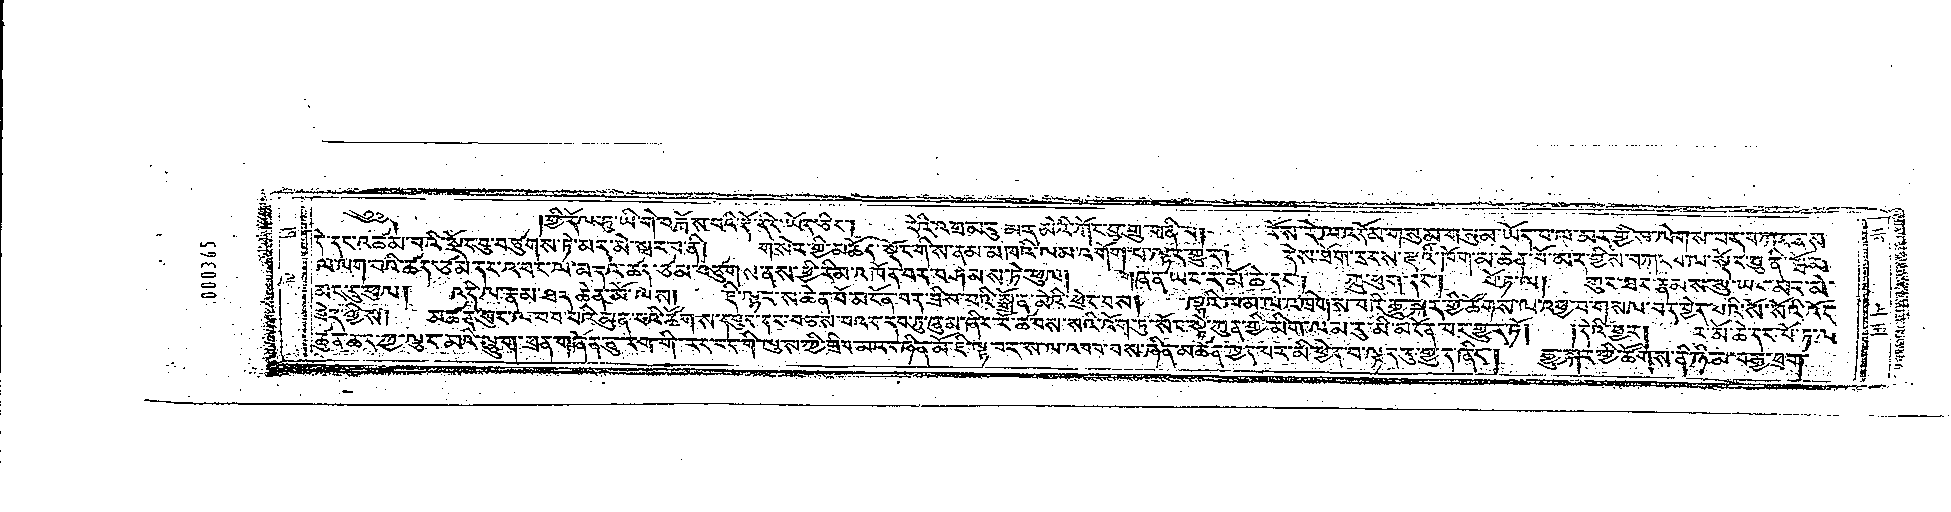༄༅། །ཕྱི་རོལ་ཏུ་ཡི་གེ་བརྐོས་བའི་རྡོ་རིང་ཡོད་ཅིང་། དེའི་འགྲམ་དུ་མར་མེའི་ཀོང་བུ་གྲུ་བཞི་པ། ངོས་རེ་ལ་འདོམ་གསུམ་གསུམ་ཡོད་པ་ལ་མར་གྱིས་ལེགས་པར་བཀང་ནས་
དེ་དང་འཚམ་པའི་སྡོང་བུ་བཙུགས་ཏེ་མར་མེ་སྦར་བ་ནི། གསེར་གྱི་མཆོད་སྡོང་གིས་ནམ་མཁའི་ལམ་འགོག་པ་ལྟར་གྱུར། དེས་ཐོག་དྲངས་རྫའི་ཁོག་མ་ཆེན་པོ་མར་གྱིས་བཀད་བ་ལ་སྡོང་བུ་ནི་སྦོམ་
ལ་ལག་བའི་ཚད་ཙམ་དང་འ་ཕང་ལ་མདའ་ཚད་ཙམ་བཙུགས་ནས་ཕྱི་རིམ་འཁོར་བར་བཤམས་ཏེ་ཕུལ། གཞན་ཡང་ར་མོ་ཆེ་དང་། ཀླུ་ཕུག་དང་། པོ་ཏ་ལ། གུང་ཐང་རྣམས་སུ་ཡང་མར་མེ་
མང་དུ་ཕུལ། འདི་ལ་རྣམ་ཐར་ཆེན་མོ་ལས། ཇི་ལྟར་ས་ཆེན་བོ་མངོན་པར་བྲིས་པའི་སྒྲོན་མེའི་ཕྲེང་བས། ལྷའི་ལམ་ལ་འཁྲིགས་བའི་རྒྱུ་སྐར་གྱི་ཚོགས་ལ་འཕྱ་བ་གསལ་བར་བྱེད་པའི་སོ་སོའི་འོད་
ཟེར་གྱིས། མཚན་གུང་ལ་བབ་པའི་མུན་པའི་ཚོགས་དཔུང་དང་བཅས་པའང་རབ་ཏུ་ཞུམ་ཞིང་ངོ་ཚ་བས་སའི་འོག་ཏུ་སོང་སྟེ་ཀུན་གྱི་མིག་ལམ་དུ་མི་མངོན་པར་གྱུར་ཏོ། །དེའི་ཕྱིར། ར་མོ་ཆེ་དང་པོ་ཏ་ལ་
ཚུན་ཆང་ཀྱི་ལྕང་མའི་ལྷུག་ཕྲན་གཞོན་ནུ་དག་གི་རང་རང་གི་ལུས་ཀྱི་གྲིབ་མའང་ཉིན་མོ་ཇི་ལྟ་བར་ས་ལ་འབབ་པས་ཉིན་མཚན་ཁྱད་པར་མི་ཕྱེད་བ་ལྟར་དུ་གྱུར་ཞིང་། རྒྱུ་སྐར་གྱི་ཚོགས་ནི་ཉི་མ་བརྒྱ་ཕྲག་